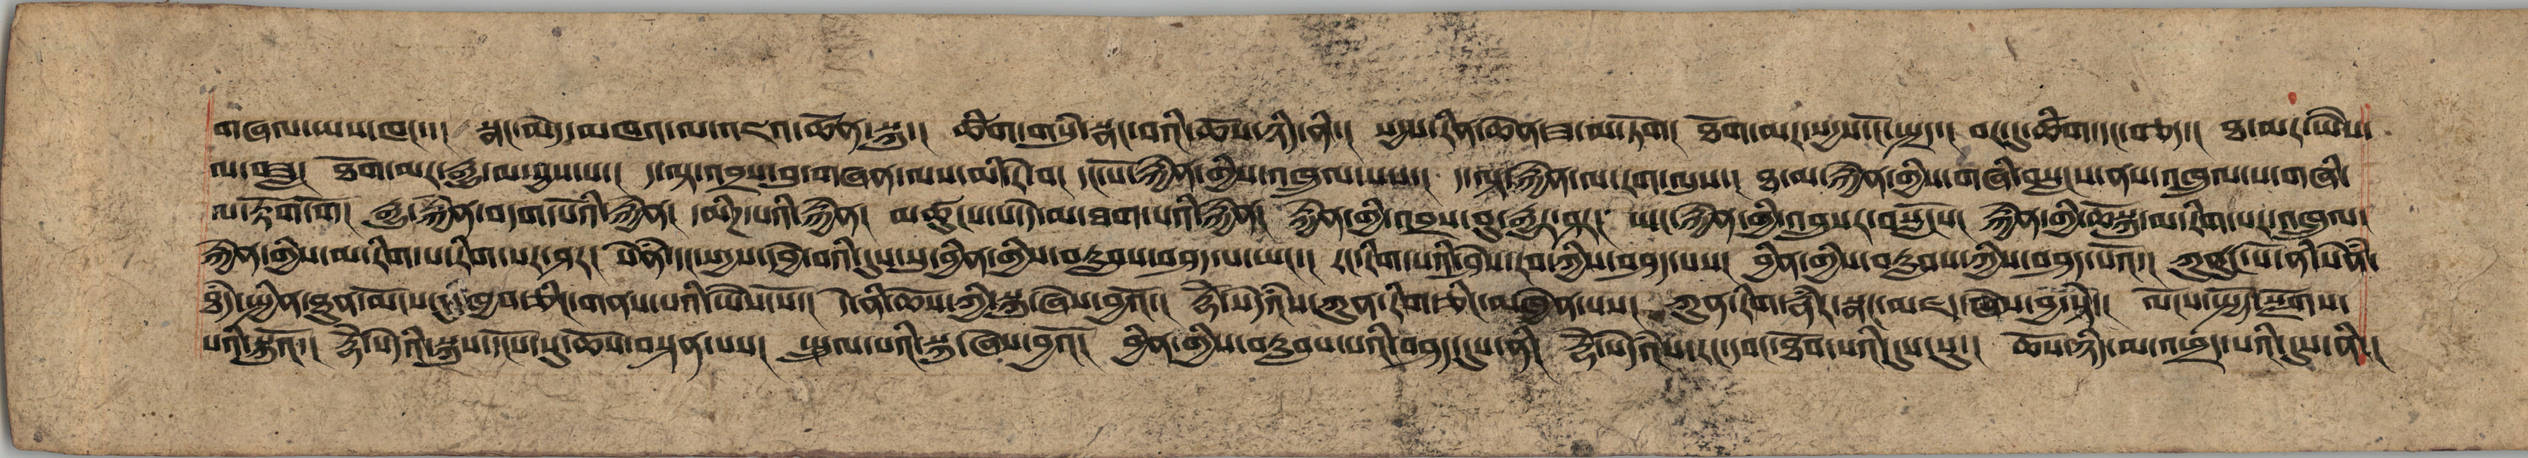གཞལ་ཡས་ཁང་་། སྣང་མེད་མཁའ་ལ་འཇའ་ཚོན་སྐུ་། ཚིག་གསུཾ་སྣང་བའི་ཆོས་ཉིད་ནི་། སདྱས་རིན་ཆེན་ཟ་མ་ཏོག། ཐོག་མར་སདྱས་ངོ་སྤྲད་། བར་དུ་ཚིག་དང་བཅད་། ཐ་མར་ཡཻས་
ལ་བཟླ། ཐོག་མར་རྒྱུ་མ་བྱས་པ་། ད་ལྟ་འབྲས་བུ་གཞན་ལས་མི་རེ་བ། དང་པོ་རྐྱེན་གྱིས་འཁྲུལ་པས་། ད་ལྟ་རྐྱེན་ལ་རག་ལུས་། ཐ་མ་རྐྱེན་གྱིས་གཞི་བསླངས་ནས་འཁྲུལ་པ་གཞི་
ལ་རྟོག་གོ། རྒྱུ་རྐྱེན་བདག་པོའི་རྐྱེན། དམིཌ་པའི་རྐྱེན། མཚུངས་པ་དེ་མ་ཐག་པའི་རྐྱེན། རྐྱེན་གྱི་འབྲས་བུ་རྒྱུར་ཤར། ཡང་རྐྱེན་གྱི་འབྲུསར་བསློངས། རྐྱེན་གྱི་ཆོསྐུ་མ་རིག་པར་འཁྲུལ་
རྐྱེན་གྱིས་མ་རིག་པ་རིག་པར་ཤར། སེཾན་དང་སདྱས་དབྱེ་བའི་དུས་སུ་བྱིན་གྱིས་བརླབས་བཤད་པ་ཡང་། རང་རིག་པའི་ཤེས་རབ་ཀྱིས་བཤད་པས། བྱིན་གྱིས་བརླབས་ཀྱིས་བཤད་པའོ་། ཀུནུཾང་པོ་ནི་སེཾན་
ཐཾད་སྤྱིན་ཐུན་མོངས་དང་ཁྱབ་ཅིང་གནས་པའི་ཡཻས་སོ་། དེ་ནི་ཆོས་ཀྱི་སྐུ་ཞེས་བྱའོ་། རྡོཻ་སེདཾས་ཀུན་རིག་ཅིང་མཁྱེན་པས། ཀུན་རིག་རྣཾར་སྣང་མཛད་ཞེས་བྱ་སྟེ་། ལོངས་སྤྱོད་སྫོགས་
པའི་སྐུའོ་། རྡོེ་སེདཾའ་སྐུས་དངོས་སུ་ཆོས་བསྟན་པས། སྤྲུལ་པའི་སྐུ་ཞེས་བྱའོ། བྱིན་གྱིས་བརླབས་པའི་བཤད་དུས་ནི། རྡོེ་སེདཾའས་རང་དབང་ཐོབ་པའི་དུས་སུ་། ཆོས་ཉིད་མ་འཕྲད་པའི་དུས་ནི་།